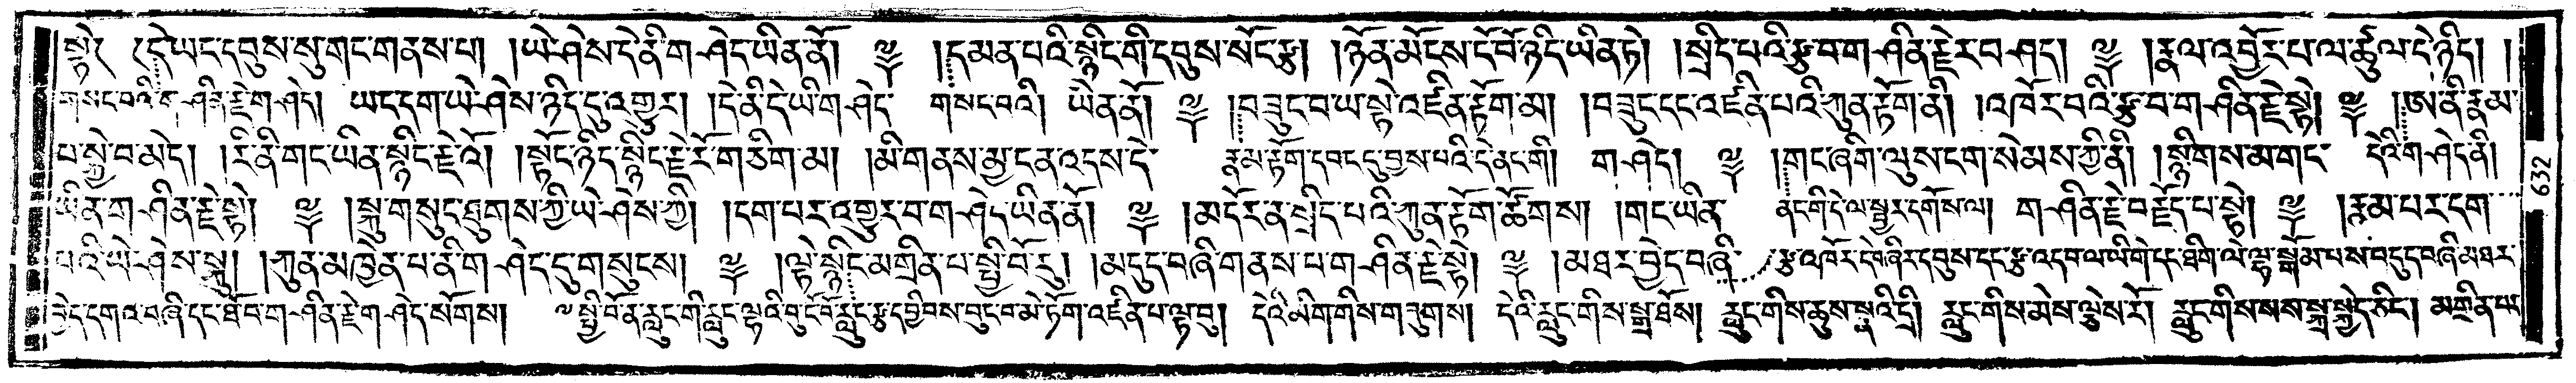སྟེ༑ ༑དེ་ཡང་དབུས་སུ་གང་གནས་པ། །ཡེ་ཤེས་དེ་ནི་གཤེད་ཡིན་ནོ། ༈ །དམན་པའི་སྙིང་གི་དབུས་སོང་རྩ། །ཉོན་མོངས་ངོ་བོ་ཉིད་ཡིན་ཏེ། །སྲིད་པའི་རྩ་བ་གཤིན་རྗེར་བཤད། ༈ །རྣལ་འབྱོར་པ་ལ་ཚུལ་དེ་ཉིད། །
གསང་བའི་གཤིན་རྗེ་གཤེད། ཡང་དག་ཡེ་ཤེས་ཉིད་དུ་འགྱུར། །དེ་ནི་དེ་ཡི་གཤེད་གསང་བའི། ཡིན་ནོ། ༈ །བཟུང་བ་ཡ་སྟེ་འཛིན་རྟོག་མ། །བཟུང་དང་འཛིན་པའི་ཀུན་རྟོག་ནི། །འཁོར་བའི་རྩ་བ་གཤིན་རྗེ་སྟེ། ༈ །ཨ་ནི་རྣམ་
པ་སྐྱེ་བ་མེད། །རི་ནི་གང་ཡིན་སྙིང་རྗེའོ། །སྟོང་ཉིད་སྙིང་རྗེ་རོ་གཅིག་མ། །མི་གནས་མྱ་ངན་འདས་དེ་རྣམ་རྟོག་དབང་དུ་བྱས་པའི་དེ་ནང་གི། གཤེད། ༈ །གང་ཞིག་ལུས་ངག་སེམས་ཀྱི་ནི། །སྙིགས་མ་གང་དེའི་གཤེད་ནི།
ཡིན་གཤིན་རྗེ་སྟེ། ༈ །སྐུ་གསུང་ཐུགས་ཀྱི་ཡེ་ཤེས་ཀྱི། །ངག་པར་འགྱུར་བ་གཤེད་ཡིན་ནོ། ༈ །མདོར་ན་སྲིད་པའི་ཀུན་རྟོག་ཚོགས། །གང་ཡིན་ནང་གི་དེ་ལ་སྦྱར་དགོས་ལ། གཤིན་རྗེ་བརྗོད་པ་སྟེ། ༈ །རྣམ་པར་དག་
པའི་ཡེ་ཤེས་སྐུ། །ཀུན་མཁྱེན་པ་ནི་གཤེད་དུ་གསུངས། ༈ །ལྟེ་སྙིང་མགྲིན་པ་སྤྱི་བོར། །མདུད་བཞི་གནས་པ་གཤིན་རྗེ་སྟེ། ༈ །མཐར་བྱེད་བཞི་རྩ་འཁོར་དེ་བཞིར་དབུས་དང་རྩ་འདབ་ལ་ཡི་གེ་དང་ཐིག་ལེ་ལྷ་སྒོམ་པས་བདུད་བཞི་མཐར་
བྱེད་དགའ་བཞི་དང་ཐོབ་གཤིན་རྗེ་གཤེད་སོགས། ༈ སྤྱི་བོན་རླུང་གི་རླུང་ལྷའི་བུ་ངོ་བོ་རླུང་རྩ་དབྱིབས་བུང་བ་མེ་ཏོག་འཛིན་པ་ལྟ་བུ། དེའི་མིག་གིས་གཟུགས། དེའི་རླུང་གིས་སྒྲ་ཐོས། རླུང་གིས་ཆུས་སྡེའི་དྲི། རླུང་གིས་མེས་ལྕེས་རོ། རླུང་གིས་སས་སྐྲ་སྐྱད་ཅིང་། མགྲིན་